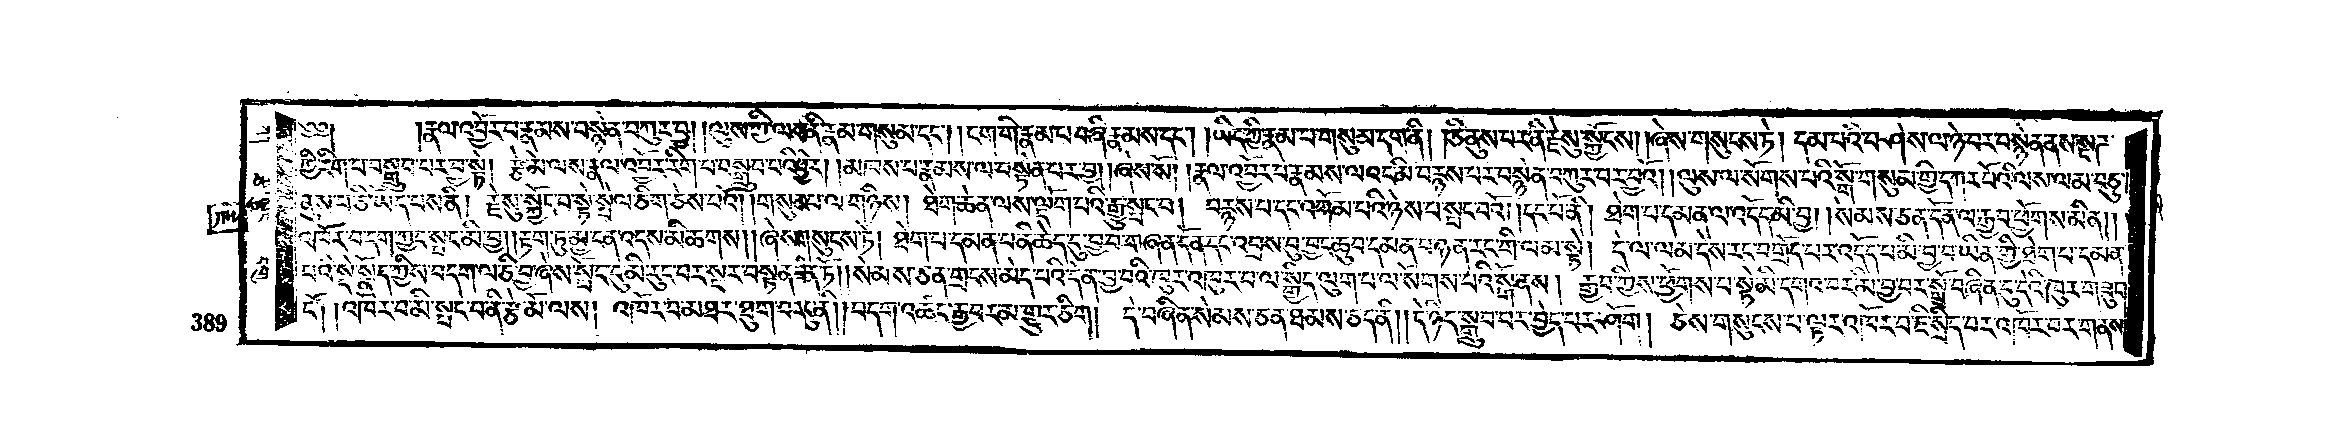༄༅། །རྣལ་འབྱོར་པ་རྣམས་བསྙེན་བཀུར་བྱ། །ལུས་ཀྱི་ལས་ནི་རྣམ་གསུམ་དང་། །ངག་གི་རྣམ་པ་བཞི་རྣམས་དང་། །ཡིད་ཀྱི་རྣམ་པ་གསུམ་དག་ནི། །ཅི་ནུས་པར་ནི་རྗེས་སུ་སྐྱོངས། །ཞེས་གསུངས་ཏེ། དམ་པའི་བཤེས་ལ་ཉེ་བར་བསྙེན་ནས་སྔཌ་
ཀྱི་རིག་པ་བསྒྲུབ་པར་བྱ་སྟེ། རྩེ་མེ་ལས་རྣལ་འབྱོར་རིག་པ་བསྒྲུབ་པའི་ཕྱིར། །མཁས་པ་རྣམས་ལ་བསྟེན་པར་བྱ། །ཞེས་སོ། །རྣལ་འབྱོར་པ་རྣམས་ལའང་མི་བརྙས་པར་བསྙེན་བཀུར་བར་བྱའོ། །ལུས་ལ་སོགས་པའི་སྒོ་གསུམ་གྱི་དཀར་པོའི་ལས་ལམ་བཅུ་
ནུས་པ་ཅི་ཡོད་པས་ནི། རྗེས་སུ་སྐྱོང་བ་སྟེ་སྤེལ་ཅིག་ཅེས་པའོ། །གསུམ་པ་ལ་གཉིས། ཐེག་ཆེན་ལས་ལྡོག་པའི་རྒྱུ་སྤང་བ། བརྙས་པ་དང་འགོམ་པའི་ཉེས་པ་སྤང་བའོ། །དང་པོ་ནི། ཐེག་པ་དམན་ལ་འདོད་མི་བྱ། །སེམས་ཅན་དོན་ལ་རྒྱབ་ཕྱོགས་མིན། །
འཁོར་བ་དག་ཀྱང་སྤང་མི་བྱ། །རྟག་ཏུ་མྱ་ངན་འདས་མི་ཆགས། །ཞེས་གསུངས་ཏེ། ཐེག་པ་དམན་པ་ནི་ཆེད་དུ་བྱ་བ་གཞན་དོན་དང་འབྲས་བུ་བྱང་ཆུབ་དམན་པ་ཉན་རང་གི་ལམ་སྟེ། དེ་ལ་ལམ་དེས་རང་བགྲོད་པར་འདོད་པ་མི་བྱ་བ་ཡིན་གྱི་ཐེག་པ་དམན་
པའི་སྡེ་སྣོད་ཀྱིས་བདག་ལ་ཅི་བྱ་ཞེས་སྤོང་དུ་མི་རུང་བར་སྔར་བསྟན་ཟིན་ཏོ། །སེམས་ཅན་གྲངས་མེད་པའི་དོན་བྱ་བའི་ཁུར་འཁུར་བ་ལ་སྒྱིད་ལུག་པ་ལ་སོགས་པའི་སྒོ་ནས། རྒྱབ་ཀྱིས་ཕྱོགས་པ་སྟེ་མི་དགའ་བར་མི་བྱ་བར་སྒྲོ་བཞིན་དུ་དེའི་ཁུར་གཟུང་
ངོ། །འཁོར་བ་མི་སྤང་བ་ནི་རྩེ་མོ་ལས། འཁོར་བ་མཐར་ཐུག་བར་དུ་ནི། །བདག་འཚང་རྒྱ་བར་མ་གྱུར་ཅིག །དེ་བཞིན་སེམས་ཅན་ཐམས་ཅད་ནི། །དེ་ཉིད་སྒྲུབ་པར་བྱེད་པར་ཤོག །ཅེས་གསུངས་པ་ལྟར་འཁོར་བ་ཇི་སྲིད་བར་འཁོར་བར་གནས་